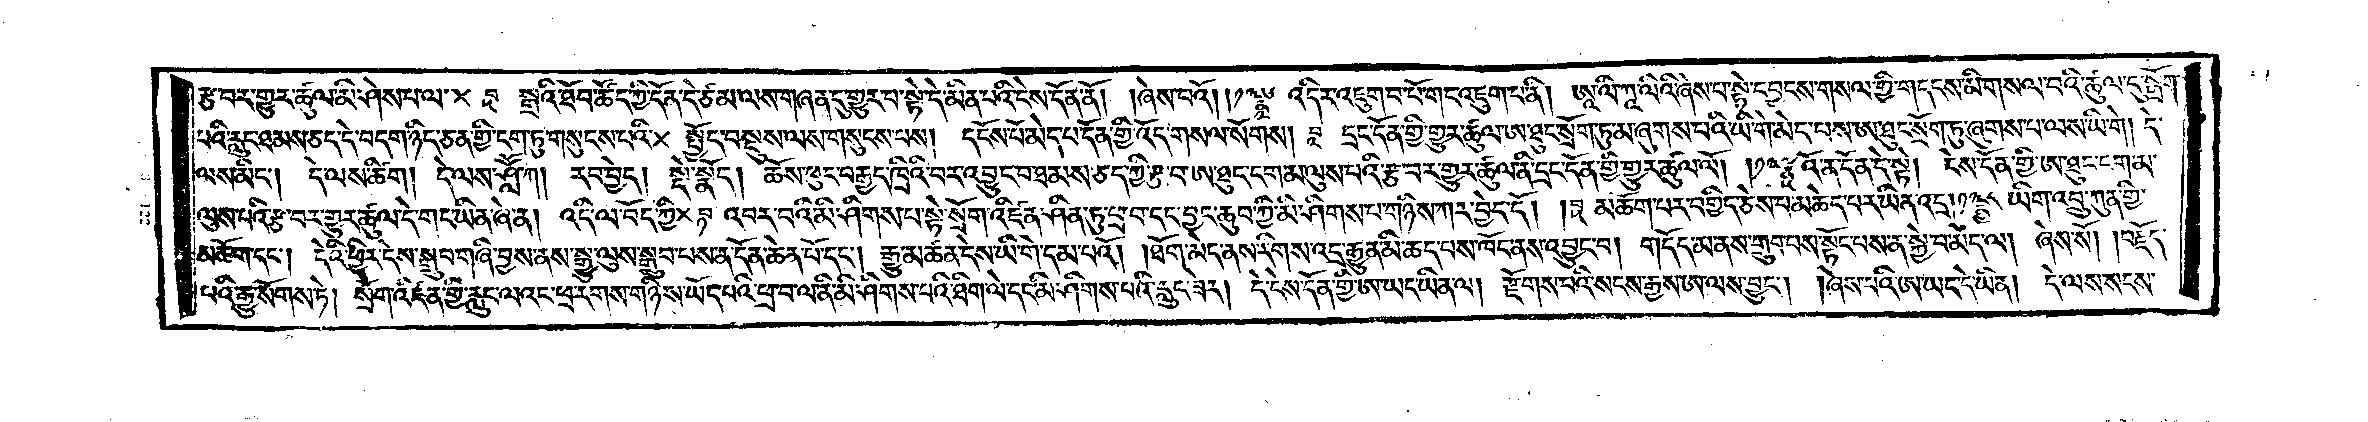རྩ་བར་གྱུར་ཚུལ་མི་ཤེས་པ་ལ྾་བ༥་སྒྲའི་ཐོབ་ཚོད་ཀྱི་དོན་དེ་ཙམ་ལས་གཞན་དུ་གྱུར་བ་སྟེ་དེ་མིན་པའི་ངེས་དོན་ནོ། །ཞེས་པའོ། །༡༣ན༢༦་འདིར་འཇུག་པ་པོ་གང་འཇུག་པ་ནི། ཨཱ་ལི་ཀཱ་ལིའི་ཞེས་པ་སྟེ་དབྱངས་གསལ་གྱི་གདངས་མི་གསལ་བའི་ཚུལ་དུ་སྒྲོག་
པའི་རླུང་ཐམས་ཅད་དེ་བདག་ཉིད་ཅན་གྱི་ངག་ཏུ་གསུངས་པའི་྾་སྤྱོད་བསྡུས་ལས་གསུངས་པས། དངོས་པོ་མེད་པ་དོན་གྱི་འོད་གསལ་སོགས། བ༢་དྲང་དོན་གྱི་གྱུར་ཚུལ་ཨ་ཐུང་སྲོག་ཏུ་མ་ཞུགས་པའི་ཡི་གེ་མེད་པས་ཨ་ཐུང་སྲོག་ཏུ་ཞུགས་པ་ལས་ཡི་གེ། དེ་
ལས་མིང་། དེ་ལས་ཚིག། དེ་ལས་ཤོ་ལོ་ཀ། རབ་བྱེད། སྡེ་སྣོད། ཆོས་ཕུང་བརྒྱད་ཁྲིའི་བར་འབྱུང་བ་ཐམས་ཅད་ཀྱི་རྩ་བ་ཨ་ཐུང་ངག་མ་ལུས་པའི་རྩ་བར་གྱུར་ཚུལ་ནི་དྲང་དོན་གྱི་གྱུར་ཚུལ་ལོ། །༡༤ན༥༧་འོ་ན་དོན་དེ་སྟེ། ངེས་དོན་གྱི་ཨ་ཐུང་ངག་མ་
ལུས་པའི་རྩ་བར་གྱུར་ཚུལ་དེ་གང་ཡིན་ཞེ་ན། འདི་ལ་བོད་ཀྱི་྾་བ༢་འབར་བའི་མི་ཤིགས་པ་སྟེ་སྲོག་འཛིན་ཤིན་ཏུ་ཕྲ་བ་དང་བྱང་ཆུབ་ཀྱི་མི་ཤིགས་པ་གཉིས་ཀར་བྱེད་དོ། །བ༥་མཆོག་པར་བགྱིད་ཅེས་པ་མཆོད་པར་ཡིན་འདྲ། ༡༣ན༤༨་ཡིག་འབྲུ་ཀུན་གྱི་
མཆོག་དང་། དེའི་ཕྱིར་ངེས་སྒྲུབ་གཞི་བྱས་ནས་སྒྱུ་ལུས་སྒྲུབ་པས་ན་དོན་ཆེན་པོ་དང་། རྒྱུ་མཚན་དེས་ཡི་གེ་དམ་པའོ། །ཐོག་མེད་ནས་རིགས་འདྲ་རྒྱུན་མི་ཆད་པས་ཁོང་ནས་འབྱུང་བ། གདོད་མ་ནས་གྲུབ་པས་སྟོང་པས་ན་སྐྱེ་བ་མེད་ལ། ཞེས་སོ། །བརྗོད་
པའི་རྒྱུ་སོགས་ཏེ། སྲོག་འཛིན་གྱི་རླུང་ལའང་ཕྲ་རགས་གཉིས་ཡོད་པའི་ཕྲ་བ་ལ་ནི་མི་ཤེགས་པའི་ཐིག་ལེ་དང་མི་ཤིགས་པའི་རླུང་ཟེར། དེ་ངེས་དོན་གྱི་ཨ་ཡང་ཡིན་ལ། རྫོགས་པའི་སངས་རྒྱས་པ་ལས་བྱུང་། །ཞེས་པའི་ཨ་ཡང་དེ་ཡིན། དེ་ལས་སངས་